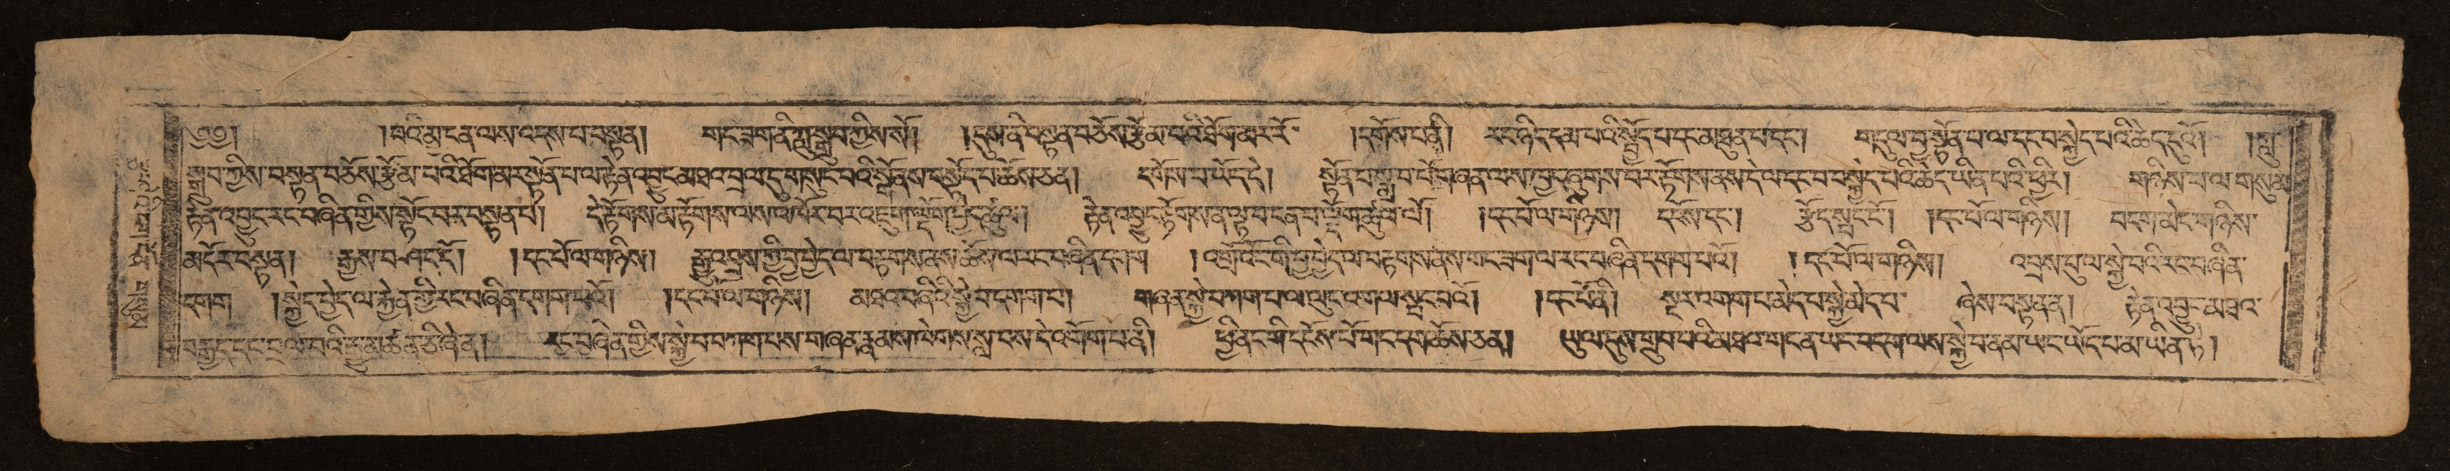༄༅། །བའི་མྱ་ངན་ལས་འདས་པ་བསྟན། གང་ཟག་ནི་ཀླུ་སྒྲུབ་ཀྱིས་སོ། །དུས་ནི་བསྟན་བཅོས་རྩོམ་པའི་ཐོག་མར་རོ། །དགོས་པ་ནི། རང་ཉིད་དམ་པའི་སྤྱོད་པ་དང་མཐུན་པ་དང་། གདུལ་བྱ་སྟོན་པ་ལ་དང་བ་སྐྱེད་པའི་ཆེད་དུའོ། །ཀླུ་
སྒྲུབ་ཀྱིས་བསྟན་བཅོས་རྩོམ་པའི་ཐོག་མར་སྟོན་པ་ལ་རྟེན་འབྱུང་མཐའ་བྲལ་དུ་གསུང་བའི་སྒོ་ནས་བསྟོར་པ་ཆོས་ཅན། དགོས་པ་ཡོད་དེ། སྟོན་པ་སྨྲ་བ་པོ་གཞན་ལས་ཁྱད་ཞུགས་པར་རྟོགས་ནས་དེ་ལ་དང་བ་བསྐྱེད་པའི་ཆེད་ཡིན་པའི་ཕྱིར། གཉིས་པ་ལ་གསུམ་
རྟེན་འབྱུང་རང་བཞིན་གྱིས་སྟོང་བར་བསྟན་པ། དེ་རྟོགས་མ་རྟོགས་ལས་འཁོར་བར་འཇུག་ལྡོག་བྱེད་ཚུལ། རྟེན་འབྱུང་རྟོགས་ན་ལྟ་བ་ངན་པ་ལྡོག་ཚུལ་ལོ། །དང་པོ་ལ་གཉིས། དངོས་དང་། རྩོད་སྤང་ངོ། །དང་པོ་ལ་གཉིས། བདག་མེད་གཉིས་
མདོར་བསྟན། རྒྱས་བཤད་དོ། །དང་པོ་ལ་གཉིས། རྒྱུ་འབྲས་ཀྱི་བྱ་བྱེད་ལ་བརྟགས་ནས་ཆོས་ལ་རང་བཞིན་དགག །འགྲོ་འོང་གི་བྱ་བྱེད་ལ་བརྟགས་ནས་གང་ཟག་ལ་རང་བཞིན་དགག་པའོ། །དང་པོ་ལ་གཉིས། འབྲས་བུ་ལ་སྐྱེ་བའི་རང་བཞིན་
དགག །སྐྱེད་བྱེད་ལ་རྐྱེན་གྱི་རང་བཞིན་དགག་པའོ། །དང་པོ་ལ་གཉིས། མཐའ་བཞིའི་སྐྱེ་བ་དགག་པ། གཞན་སྐྱེ་བཀག་པ་ལ་ལུང་འགལ་སྤང་བའོ། །དང་པོ་ནི། སྔར་འགག་པ་མེད་པ་སྐྱེ་མེད་པ། ཞེས་བསྟན་ན། རྟེན་འབྱུང་མཐའ་
བརྒྱད་དང་བྲལ་བའི་རྒྱུ་མཚན་ཅི་ཞེ་ན། རང་བཞིན་གྱིས་སྐྱེ་བ་བཀག་པས་གཞན་རྣམས་ཁེགས་སླ་བས་དེ་འགོག་པ་ནི། ཕྱི་ནང་གི་དངོས་པོ་གང་དག་ཆོས་ཅན། ཡུལ་དུས་གྲུབ་པའི་མཐའ་གང་ན་ཡང་བདག་ལས་སྐྱེ་བ་ནམ་ཡང་ཡོད་པ་མ་ཡིན་ཏེ།